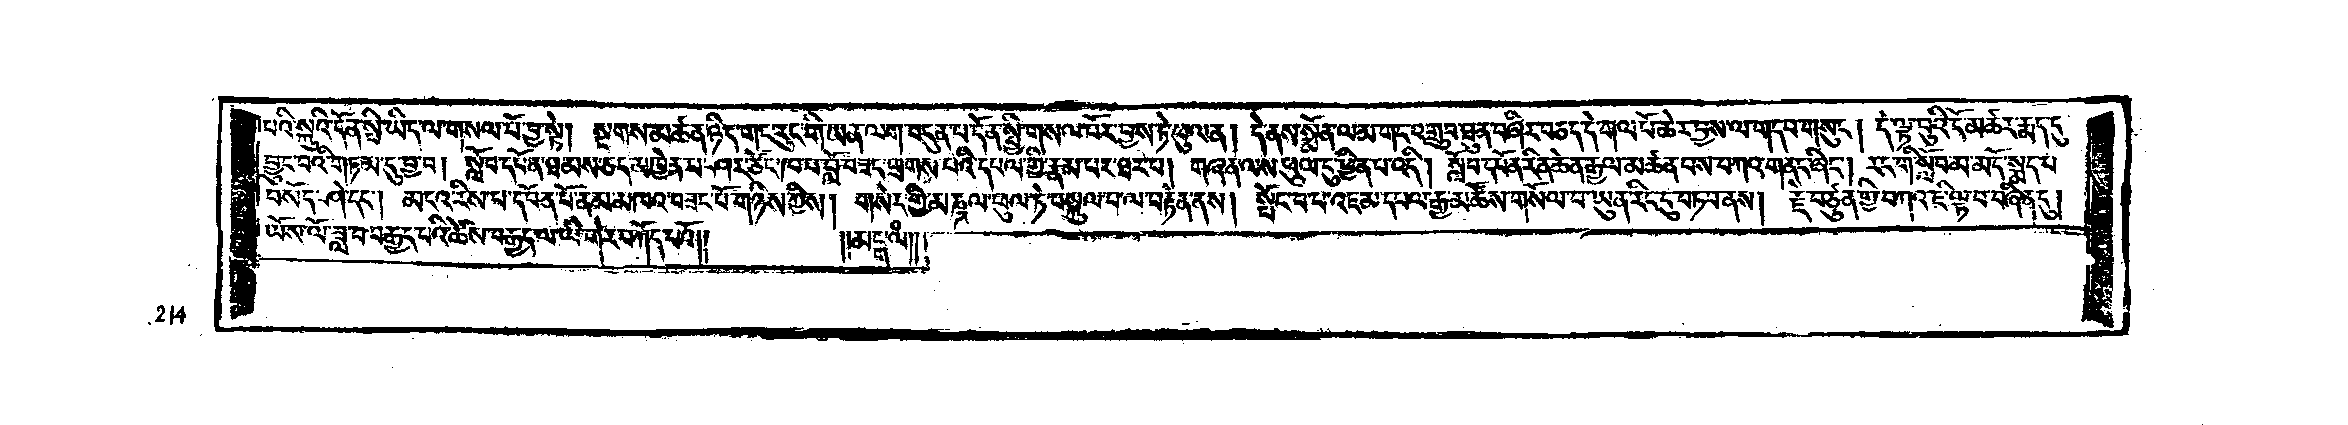པའི་སྐུའི་དོན་སྤི་ཡིད་ལ་གསལ་པོ་བྱ་སྟེ། སྔགས་མཚན་ཉིད་གང་རུང་གི་ཡན་ལག་བདུན་པ་དོན་སྤྱི་གསལ་པོར་བྱས་ཏེ་ཕུལ་ན། དེ་ནས་སྨོན་ལམ་གང་འགྲུབ་ཐུན་བཞིར་བཅད་དེ་གལ་པོ་ཆེར་བྱས་ལ་གདབ་གསུང་། དེ་ལྟ་བུའི་ངོ་མཚར་རྨད་དུ་
བྱུང་བའི་གཏམ་དུ་བྱ་བ། སློབ་དཔོན་ཐམས་ཅད་མཁྱེན་པ་ཤར་ཙོང་ཁ་པ་བློ་བཟང་གྲགས་པའི་དཔལ་གྱི་རྣམ་པར་ཐར་པ། གཞན་ལས་ཕུལ་དུ་ཕྱིན་པ་འདི། སློབ་དཔོན་རིན་ཆེན་རྒྱལ་མཚན་བས་བཀའ་གནང་ཞིང་། རང་གི་སློབ་མ་མདོ་སྨད་པ་
བསོད་ཤེ་དང་། མངའ་རིས་པ་དབོན་པོ་ནམ་མཁའ་བཟང་པོ་གཉིས་ཀྱིས། གསེར་གྱི་མཎྜལ་ཕུལ་ཏེ་བསྐུལ་བ་ལ་བརྟེན་ནས། སྤོང་བ་པ་འཇམ་དཔལ་རྒྱ་མཚོས་གསོལ་བ་ཡུན་རིང་དུ་བཏབ་ནས། རྗེ་བཙུན་གྱི་བཀའ་ཇི་ལྟ་བ་བཞིན་དུ།
ཡོས་ལོ་ཟླ་བ་བརྒྱད་པའི་ཚེས་བརྒྱད་ལ་ཡི་གེར་བཀོད་པའོ།། མངྒལཾ།།